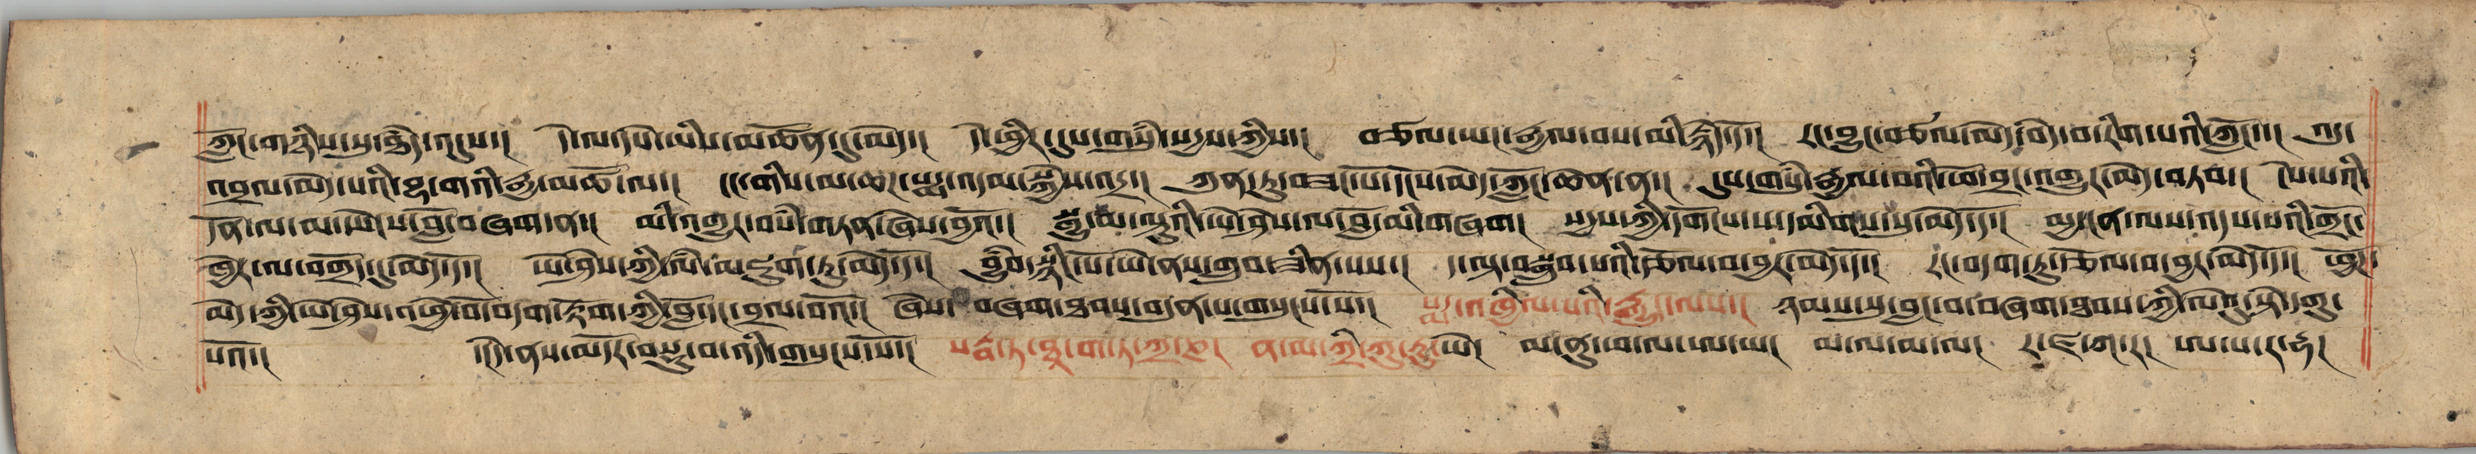ཀློང་གཉིས་སུ་ཐདཾ་འདུས་། དེ་ལ་དཔེ་ཡིས་མཚོན་དུ་མེད་། དེ་ཕྱིར་དུས་གསུཾ་སདྱས་ཀྱིས་། བཙལ་ཡང་རྒྱལ་བས་མི་རྙེད་དོ་། རང་བྱུང་བཙལ་མེད་བདེ་བ་རིག་པའི་ཀློང་་། འདུ་
འབྲལ་མེད་པའི་བྷ་གའི་རྒྱུ་མཚོ་ལ་། ངང་གིས་མ་ཆཌ་པདྨ་འདམ་སྐྱེས་འདྲ་། ཀུན་ཏུ་བཟང་པོ་དངོས་མེད་ཀློང་ཆེན་ན་། དུས་གསུཾ་རྒྱལ་བའི་ཕོ་བྲང་འགྱུར་མེད་བཏབ། ངེས་པའི་
དོན་ལ་མ་ཡེངས་བློ་བཞག་ན་། མི་འགྱུར་བསཾ་གཏན་ཞེས་བྱའོ་། སྒྱུ་མ་ལྟུའི་ཡེ་ཤེས་ལ་བློ་མི་གཞག། སདྱས་ཀྱི་དགོངས་པ་དམིགས་སུ་མེད་དོ་། མྱ་ངན་ལས་འདས་པའི་གྲོང་
ཁྱེར་ལ་བགྲོད་དུ་མེད་དོ་། ཡེ་ཤེས་ཀྱི་ལཾ་འཇུག་ཏུ་མེད་དོ་། བྱུཾབ་སྙིང་པོ་ཡེ་ནས་གྲུབ་ཟིན་པས་། ད་ལྟ་བསྒྲུབ་པའི་རྩོལ་བ་བྱར་མེད་དོ་། རང་བདག་ཏུ་རྩོལ་བ་བྱར་མེད་དོ་། ཕྱོཌ་
མེད་ཀྱི་ཡེ་ཤེས་འཕྱེ་བོ་བདག་རྟོག་ཀྱི་བློ་དང་བྲལ་བའོ་། ཞེས་བཞག་ཐབས་བདུན་པ་གསུངས་སོ་། པདྨ་འཁྱིལ་པའི་རྒྱུད་ལས་། ཉམས་སུ་བླང་བ་བཞག་ཐབས་ཀྱི་ལེའུ་སྟེ་དགུ་
པའོ་། ་།དེ་ནས་མདོར་བསྡུ་བ་འདི་གསུངས་སོ་། སརྦ་ཏ་ཐཱ་ག་ཏ་ཀྲ་ཎ། ན་མ་ཀྲི་ཀུ་རུ་ཡེ། མ་ནུ་ཕ་ལ་ཨ་ཡ། མ་ལ་མ་ལ། ར་ཛ་ཀ་ར། ཨ་པ་ར་དྷ།